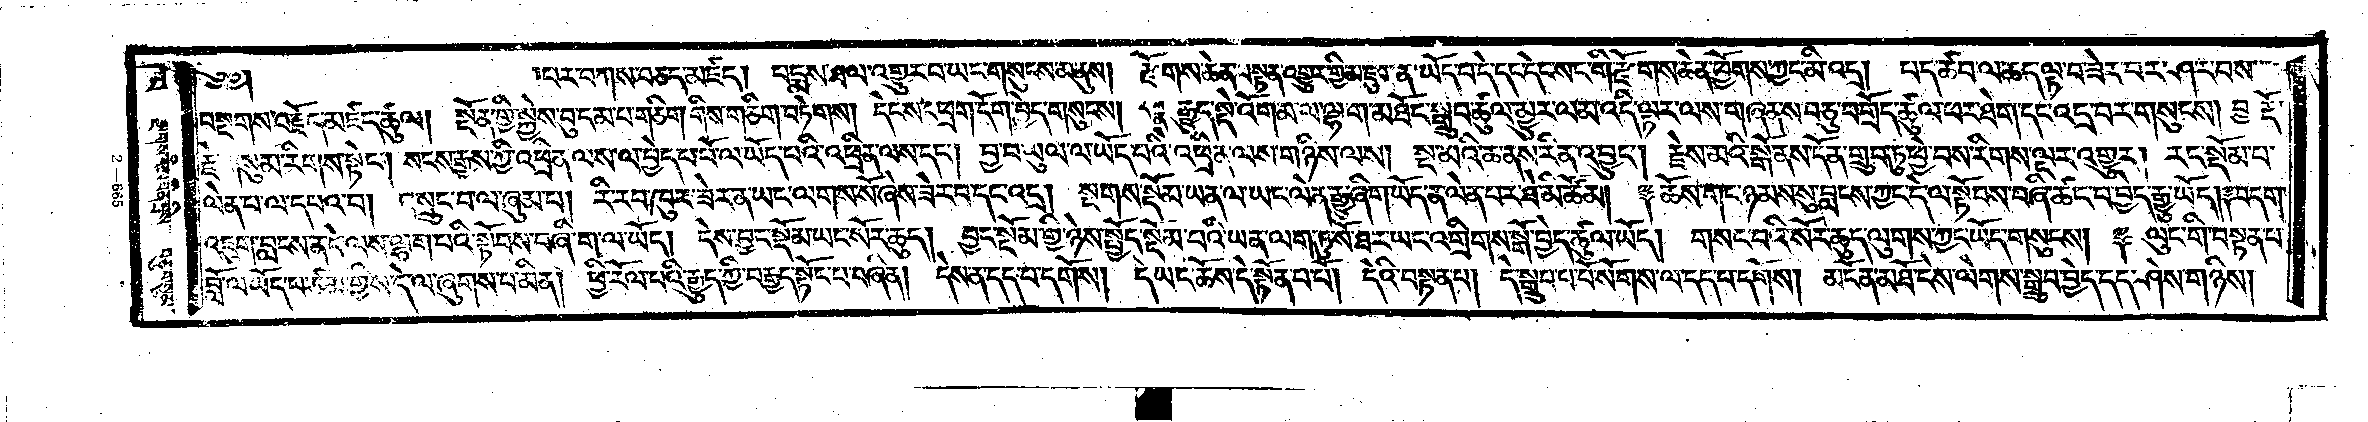༄༅། །བར་བཀས་བཅད་མཛད། པདམས་ཐལ་འགྱུར་བ་ཡང་གསུངས་མ་ནུས། རྫོགས་ཆེན་བསྟན་འགྱུར་གྱི་མཇུག་ན་ཡོད་པ་དེ་དང་དེང་སང་གི་རྫོགས་ཆེན་ཕྱོགས་ཀྱང་མི་འདྲ། པད་ཚབ་ལ་ཆད་ལྟ་བ་ཟེར་བར་ཤར་བས་
བསྔགས་བརྗོད་མཛད་ཚུལ། སྔོན་གྱི་སྐྱེས་བུ་དམ་པ་གཅིག་གིས་གཅིག་བཏེགས། དེང་སང་འཕྲག་དོག་བྱེད་གསུངས། ༨༥ན༢་རྒྱུད་སྡེ་འོག་མ་ལ་ལྷག་མཐོང་སྒྲུབ་ཚུལ་མྱུར་ལམ་འདི་ལྟར་ལས་གཞན་ས་བཅུ་བགྲོད་ཚུལ་ཕར་ཐེག་དང་འདྲ་བར་གསུངས། བ༤་རྡོ་
རྗེ་གསུམ་རིགས་སྟེང་། སངས་རྒྱས་ཀྱི་འཕྲིན་ལས་ལ་བྱེད་པ་པོ་ལ་ཡོད་པའི་འཕྲིན་ལས་དང་། བྱ་བ་ཡུལ་ལ་ཡོད་པའི་འཕྲིན་ལས་གཉིས་ལས། སྔ་མའི་ཆ་ནས་རིན་འབྱུང་། རྗེས་མའི་སྒོ་ནས་དོན་གྲུབ་ཏུ་ཕྱེ་བས་རིགས་ལྔར་འགྱུར། རང་སྡོམ་པ་
ལེན་པ་ལ་དཔའ་བ། བསྲུང་བ་ལ་ཞུམ་པ། རི་རབ་ཁུར་ཟེར་ན་ཡང་ལགས་སོ་ཞེས་ཟེར་བ་དང་འདྲ། སྔགས་སྡོམ་ཡན་ལ་ཡང་ལེན་རྒྱུ་ཞིག་ཡོད་ན་ལེན་པར་ཐེ་མི་ཚོམ། ༈ ཆོས་གང་ཉམས་སུ་བླངས་ཀྱང་དེ་ལ་སྟོབས་བཞི་ཚང་བ་བྱེད་རྒྱུད་ཡོད། ༈ བདག་
འཇུག་བླངས་ན་དེ་ལས་ལྷག་པའི་སྟོབས་བཞི་ག་ལ་ཡོད། དེས་བྱང་སྡོམ་ཡང་སོར་ཆུད། བྱང་སྡོམ་གྱི་ཉེས་སྤྱོད་སྡོམ་པའི་ཡན་ལག་ཏུ་སོ་ཐར་ཡང་འགྲིགས་སྒོ་བྱེད་ཚུལ་ཡོད། གསང་བའི་སོར་ཆུད་ལུགས་ཀྱང་ཡོད་གསུངས། ༈ ལུང་གི་བསྟན་པ་
བློ་ལ་ཡོད་པ་ཙམ་གྱིས་དེ་ལ་ཞུགས་པ་མིན། ཕྱི་རོལ་པའི་རྒྱུད་ཀྱི་བརྒྱད་སྟོང་པ་བཞིན། དེས་ན་དད་པ་དགོས། དེ་ཡང་ཆོས་དེ་སྟོན་པ་པོ། དེའི་བསྟན་པ། དེ་སྒྲུབ་པ་པོ་སོགས་ལ་དད་པ་དགོས། མངོན་མཐོ་ངེས་ལེགས་སྒྲུབ་བྱེད་དད་ཤེས་གཉིས།